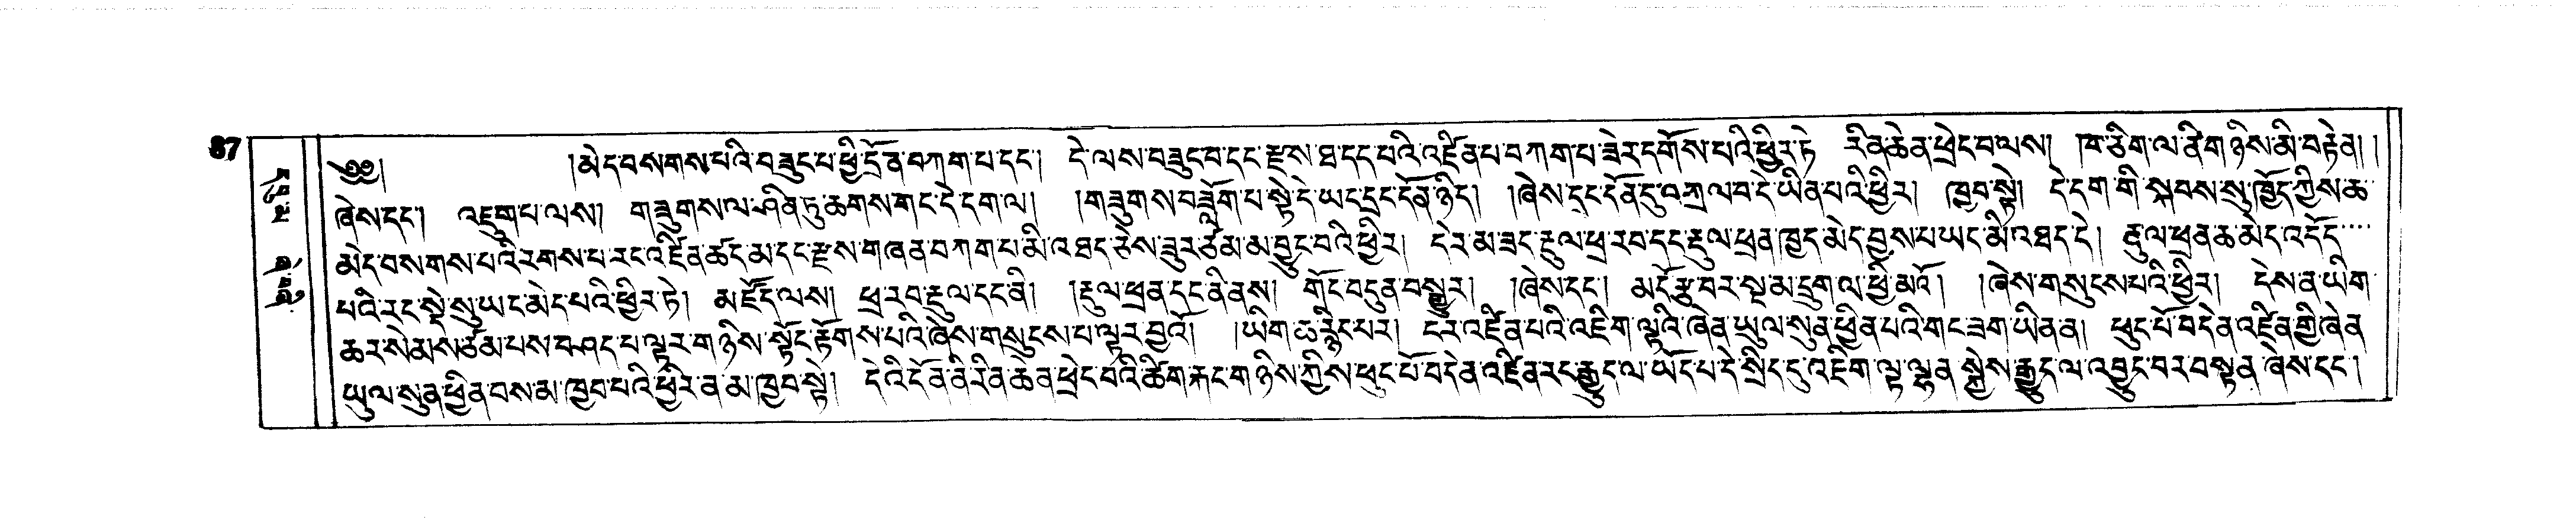༄༅། །མེད་བསགས་པའི་བཟུང་པ་ཕྱི་དྲོ་ན་བཀག་པ་དང་། དེ་ལས་བཟུང་བ་དང་རྫས་ཐ་དད་པའི་འཛིན་པ་བཀག་པ་ཟེར་དགོས་པའི་ཕྱིར་ཏེ། རིན་ཆེན་ཕྲེང་བ་ལས། ཁ་ཅིག་ལ་ནི་གཉིས་མི་བརྟེན། །
ཞེས་དང་། འཇུག་པ་ལས། གཟུགས་ལ་ཤིན་ཏུ་ཆགས་གང་དེ་དག་ལ། །གཟུགས་བཟློག་པ་སྟེ་དེ་ཡང་དྲང་དོན་ཉིད། །ཞེས་དྲང་དོན་དུ་བཀྲལ་བ་དེ་ཡིན་པའི་ཕྱིར། ཁྱབ་སྟེ། དེ་དག་གི་སྐབས་སུ་ཁྱོད་ཀྱིས་ཆ་
མེད་བསགས་པའི་རགས་པ་རང་འཛིན་ཚད་མ་དང་རྫས་གཞན་བཀག་པ་མི་འཐད་ཅེས་ཟུར་ཙམ་མ་བྱུང་བའི་ཕྱིར། དེར་མ་ཟད་རྡུལ་ཕྲ་རབ་དང་རྡུལ་ཕྲན་ཁྱད་མེད་བྱས་པ་ཡང་མི་འཐད་དེ། ནུ་ལ་ཕྲན་ཆ་མེད་འདོད་
པའི་རང་སྡེ་སུ་ཡང་མེད་པའི་ཕྱིར་ཏེ། མཛོད་ལས། ཕྲ་རབ་རྡུལ་དང་ནི། །རྡུལ་ཕྲན་དང་ནི་ནས། གོང་བདུན་བསྒྱུར། །ཞེས་དང་། མདོ་རྩ་བར་སྔ་མ་དྲུག་ལ་ཕྱི་མའོ། །ཞེས་གསུངས་པའི་ཕྱིར། དེས་ན་ཡིག་
ཆར་སེམས་ཙམ་པས་བཤད་པ་ལྟར་གཉིས་སྟོང་རྟོགས་པའི་ཞེས་གསུངས་པ་ལྟར་བྱའོ། །ཡིག་ཆ་རྙིང་པར། ངར་འཛིན་པའི་འཇིག་ལྟའི་ཞེན་ཡུལ་སུན་ཕྱིན་པའི་གང་ཟག་ཡིན་ན། ཕུང་པོ་བདེན་འཛིན་གྱི་ཞེན་
ཡུལ་སུན་ཕྱིན་བས་མ་ཁྱབ་པའི་ཕྱིར་ན་མ་ཁྱབ་སྟེ། དེའི་དོན་ནི་རིན་ཆེན་ཕྲེང་བའི་ཚིག་རྐང་གཉིས་ཀྱིས་ཕུང་པོ་བདེན་འཛིན་རང་རྒྱུད་ལ་ཡོད་པ་དེ་སྲིད་དུ་འཇིག་ལྟ་ལྷན་སྐྱེས་རྒྱུད་ལ་འབྱུང་བར་བསྟན་ཞེས་དང་།